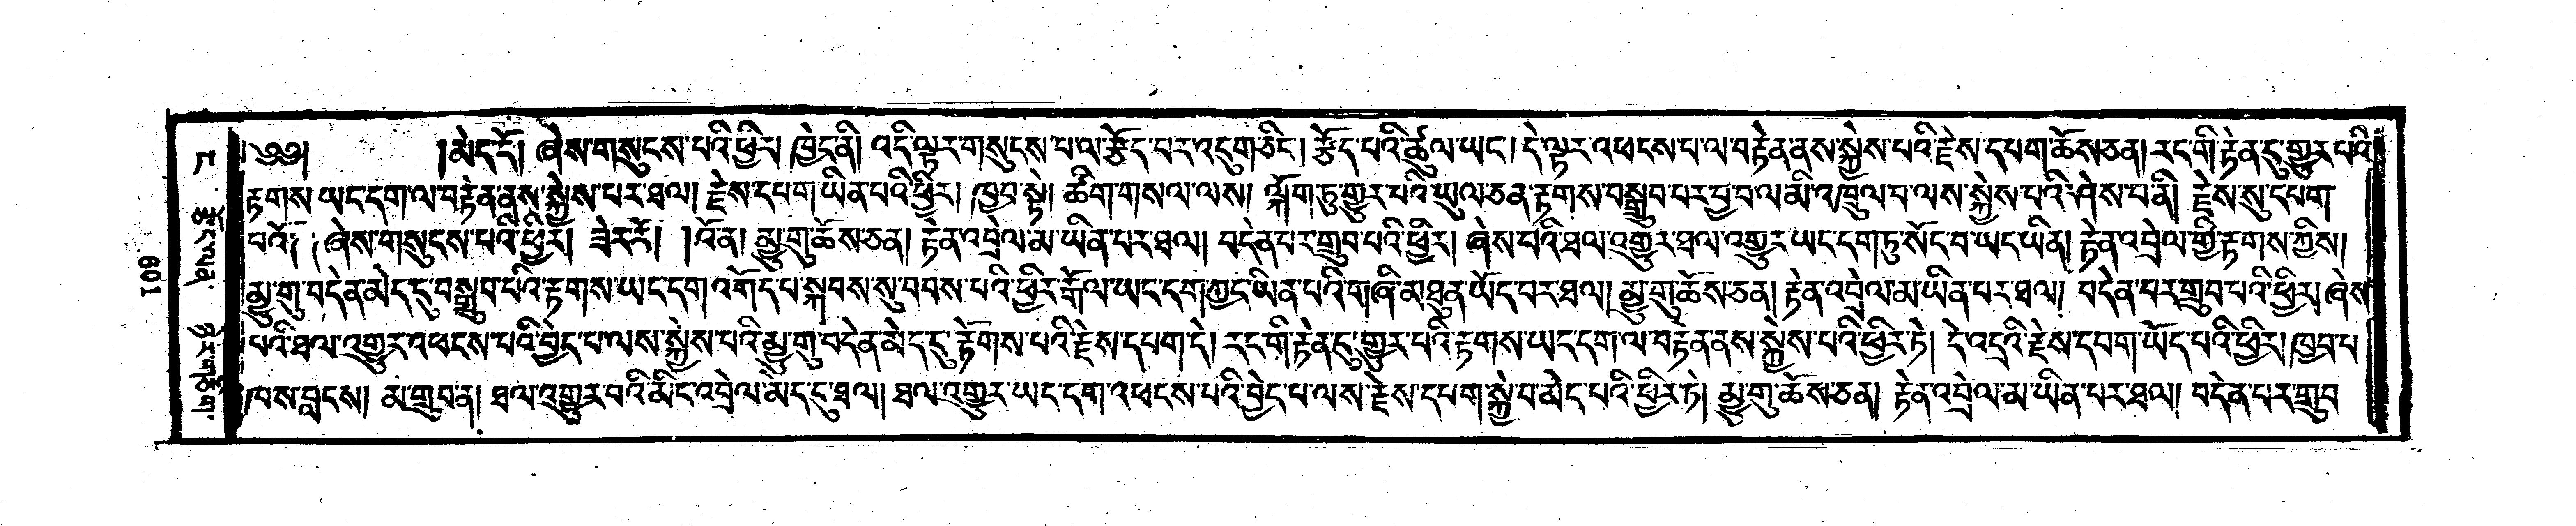༄༅། །མེད་དོ། ཞེས་གསུངས་པའི་ཕྱིར། ཁྱེད་ནི། འདི་ལྟར་གསུངས་པ་ལ་རྩོད་པར་འདུག་ཅིང་། རྩོད་པའི་ཚུལ་ཡང་། དེ་ལྟར་འཕངས་པ་ལ་བརྟེན་ནས་སྐྱེས་པའི་རྗེས་དཔག་ཆོས་ཅན། རང་གི་རྟེན་དུ་གྱུར་པའི་
རྟགས་ཡང་དག་ལ་བརྟེན་ནས་སྐྱེས་པར་ཐལ། རྗེས་དཔག་ཡིན་པའི་ཕྱིར། ཁྱབ་སྟེ། ཚིག་གསལ་ལས། ལྐོག་ཏུ་གྱུར་པའི་ཡུལ་ཅན་རྟགས་བསྒྲུབ་པར་བྱ་བ་ལ་མི་འཁྲུལ་བ་ལས་སྐྱེས་པའི་ཤེས་པ་ནི། རྗེས་སུ་དཔག་
པའོ༑ ༑ཞེས་གསུངས་པའི་ཕྱིར། ཟེར་རོ། །འོ་ན། མྱུ་གུ་ཆོས་ཅན། རྟེན་འབྲེལ་མ་ཡིན་པར་ཐལ། བདེན་པར་གྲུབ་པའི་ཕྱིར། ཞེས་པའི་ཐལ་འགྱུར་ཐལ་འགྱུར་ཡང་དག་ཏུ་སོང་བ་ཡང་ཡིན། རྟེན་འབྲེལ་གྱི་རྟགས་ཀྱིས།
མྱུ་གུ་བདེན་མེད་དུ་བསྒྲུབ་པའི་རྟགས་ཡང་དག་འགོད་པ་སྐབས་སུ་བབས་པའི་ཕྱིར་རྒོལ་ཡང་དག་ཀྱང་ཡིན་པའི་གཞི་མཐུན་ཡོད་པར་ཐལ། མྱུ་གུ་ཆོས་ཅན། རྟེན་འབྲེལ་མ་ཡིན་པར་ཐལ། བདེན་པར་གྲུབ་པའི་ཕྱིར། ཞེས་
པའི་ཐལ་འགྱུར་འཕངས་པའི་བྱེད་པ་ལས་སྐྱེས་པའི་མྱུ་གུ་བདེན་མེད་དུ་རྟོགས་པའི་རྗེས་དཔག་དེ། རང་གི་རྟེན་དུ་གྱུར་པའི་རྟགས་ཡང་དག་ལ་བརྟེན་ནས་སྐྱེས་པའི་ཕྱིར་ཏེ། དེ་འདྲའི་རྗེས་དཔག་ཡོད་པའི་ཕྱིར། ཁྱབ་པ་
ཁས་བླངས། མ་གྲུབ་ན། ཐལ་འགྱུར་བའི་མིང་འབྲེལ་མེད་དུ་ཐལ། ཐལ་འགྱུར་ཡང་དག་འཕངས་པའི་བྱེད་པ་ལས་རྗེས་དཔག་སྐྱེ་བ་མེད་པའི་ཕྱིར་ཏེ། མྱུ་གུ་ཆོས་ཅན། རྟེན་འབྲེལ་མ་ཡིན་པར་ཐལ། བདེན་པར་གྲུབ་